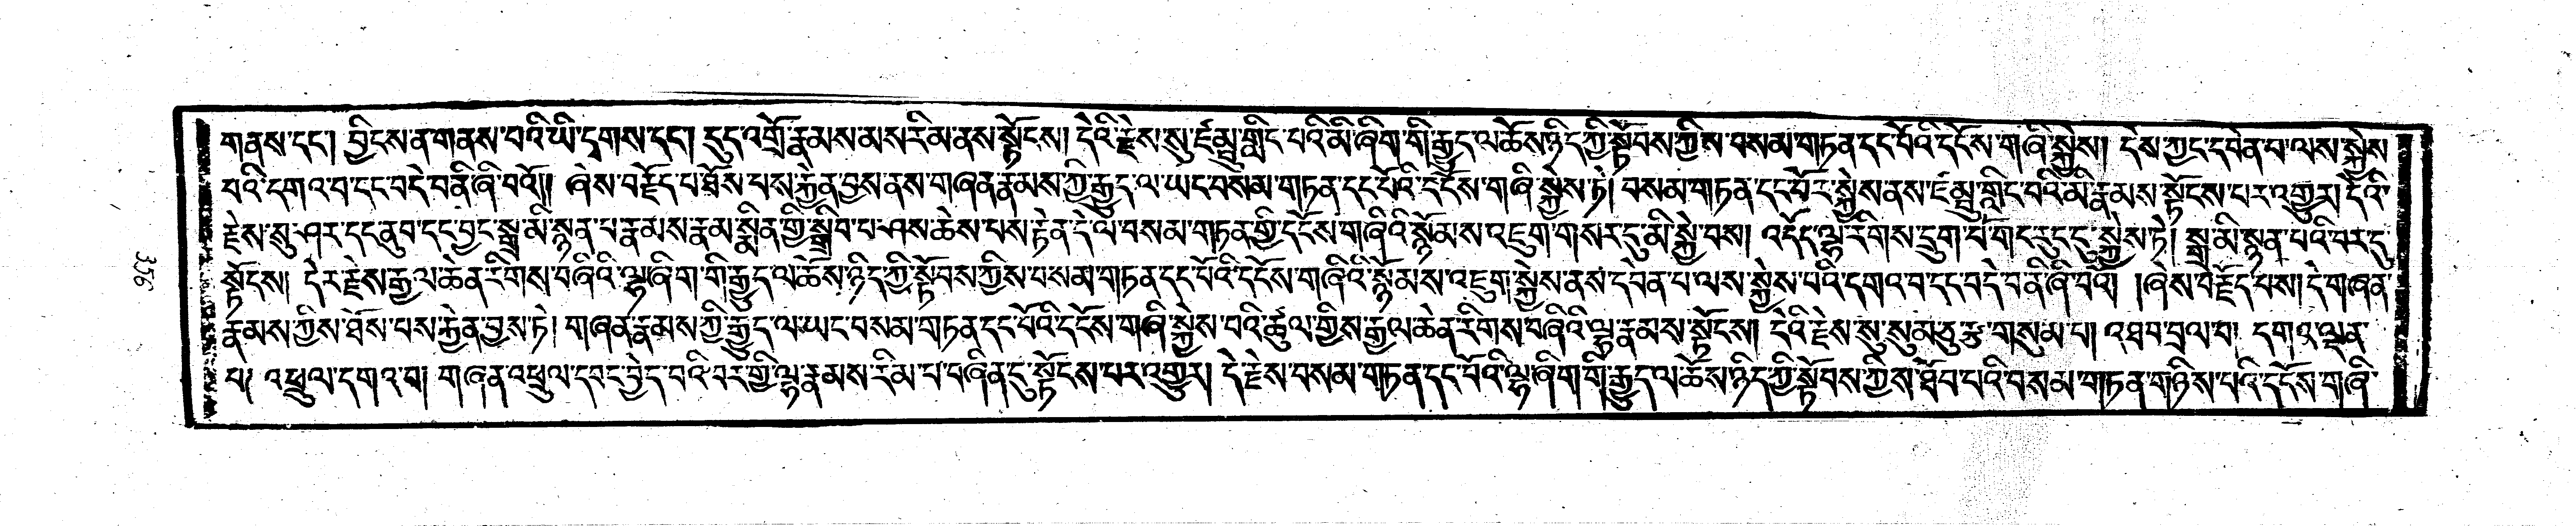གནས་དང་། བྱིངས་ན་གནས་པའི་ཡི་དྭགས་དང་། དུད་འགྲོ་རྣམས་མས་རིམ་ནས་སྟོངས། དེའི་རྗེས་སུ་ཛམྦུ་གླིང་པའི་མི་ཞིག་གི་རྒྱུད་ལ་ཆོས་ཉིད་ཀྱི་སྟོབས་ཀྱིས་བསམ་གཏན་དང་པོའི་དངོས་གཞི་སྐྱེས། དེས་ཀྱང་དབེན་པ་ལས་སྐྱེས་
པའི་དགའ་བ་དང་བདེ་བ་ནི་ཞི་བའོ། །ཞེས་བརྗོད་པ་ཐོས་པས་རྐྱེན་བྱས་ནས་གཞན་རྣམས་ཀྱི་རྒྱུད་ལ་ཡང་བསམ་གཏན་དང་པོའི་དངོས་གཞི་སྐྱེས་ཏེ། བསམ་གཏན་དང་པོར་སྐྱེས་ནས་ཛམྦུ་གླིང་པའི་མི་རྣམས་སྟོངས་པར་འགྱུར། དེའི་
རྗེས་སུ་ཤར་དང་ནུབ་དང་བྱང་སྒྲ་མི་སྙན་པ་རྣམས་རྣམ་སྨིན་གྱི་སྒྲིབ་པ་ཤས་ཆེས་པས་རྟེན་དེ་ལ་བསམ་གཏན་གྱི་དངོས་གཞིའི་སྙོམས་འཇུག་གསར་དུ་མི་སྐྱེ་བས། འདོད་ལྷ་རིགས་དྲུག་པོ་གང་རུང་དུ་སྐྱེས་ཏེ། སྒྲ་མི་སྙན་པའི་བར་དུ་
སྟོངས། དེར་རྗེས་རྒྱལ་ཆེན་རིགས་བཞིའི་ལྷ་ཞིག་གི་རྒྱུད་ལ་ཆོས་ཉིད་ཀྱི་སྟོབས་ཀྱིས་བསམ་གཏན་དང་པོའི་དངོས་གཞིའི་སྙོམས་འཇུག་སྐྱེས་ནས་དབེན་པ་ལས་སྐྱེས་པའི་དགའ་བ་དང་བདེ་བ་ནི་ཞི་བའོ། །ཞེས་བརྗོད་པས། དེ་གཞན་
རྣམས་ཀྱིས་ཐོས་པས་རྐྱེན་བྱས་ཏེ། གཞན་རྣམས་ཀྱི་རྒྱུད་ལ་ཡང་བསམ་གཏན་དང་པོའི་དངོས་གཞི་སྐྱེས་པའི་ཚུལ་གྱིས་རྒྱལ་ཆེན་རིགས་བཞིའི་ལྷ་རྣམས་སྟོངས། དེའི་རྗེས་སུ་སུམ་ཅུ་རྩ་གསུམ་པ། འཐབ་བྲལ་བ། དགའ་ལྡན་
པ༑ འཕྲུལ་དགའ་བ། གཞན་འཕྲུལ་དབང་བྱེད་པའི་བར་གྱི་ལྷ་རྣམས་རིམ་པ་བཞིན་དུ་སྟོངས་པར་འགྱུར། དེ་རྗེས་བསམ་གཏན་དང་པོའི་ལྷ་ཞིག་གི་རྒྱུད་ལ་ཆོས་ཉིད་ཀྱི་སྟོབས་ཀྱིས་ཐོབ་པའི་བསམ་གཏན་གཉིས་པའི་དངོས་གཞི་